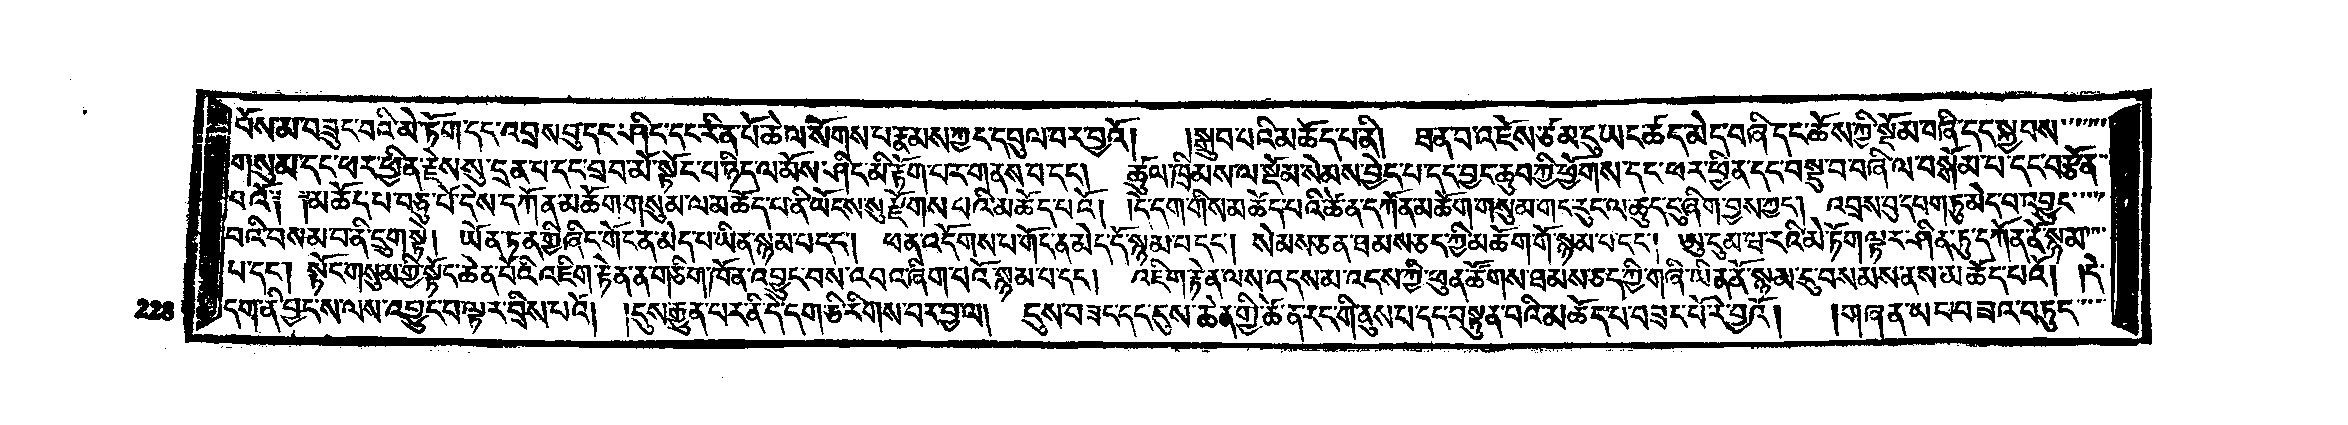པོས་མ་བཟུང་བའི་མེ་ཏོག་དང་འབྲས་བུ་དང་ཤིང་དང་རིན་པོ་ཆེ་ལ་སོགས་པ་རྣམས་ཀྱང་དབུལ་བར་བྱའོ། །སྒྲུབ་པའི་མཆོད་པ་ནི། ཐ་ན་བ་འཇོས་ཙམ་དུ་ཡང་ཚད་མེད་བཞི་དང་ཆོས་ཀྱི་སྡོམ་བཞི་དང་སྐྱབས་
གསུམ་དང་ཕར་ཕྱིན་རྗེས་སུ་དྲན་པ་དང་ཟབ་མོ་སྟོང་པ་ཉིད་ལ་མོས་ཤིང་མི་རྟོག་པར་གནས་པ་དང་། ཚུལ་ཁྲིམས་ལ་སྡོམ་སེམས་བྱེད་པ་དང་བྱང་ཆུབ་ཀྱི་ཕྱོགས་དང་ཕར་ཕྱིན་དང་བསྡུ་བ་བཞི་ལ་བསྒོམ་པ་དང་བརྩོན་
པའོ༑ ༑མཆོད་པ་བཅུ་པོ་དེས་དཀོན་མཆོག་གསུམ་ལ་མཆོད་པ་ནི་ཡོངས་སུ་རྫོགས་པའི་མཆོད་པའོ། །དེ་དག་གིས་མཆོད་པའི་ཚེ་ན་དཀོན་མཆོག་གསུམ་གང་རུང་ལ་ཆུང་ངུ་ཞིག་བྱས་ཀྱང་། འབྲས་བུ་དཔག་ཏུ་མེད་པ་འབྱུང་
བའི་བསམ་པ་ནི་དྲུག་སྟེ། ཡོན་ཏན་གྱི་ཞིང་གོང་ན་མེད་པ་ཡིན་སྙམ་པ་དང་། ཕན་འདོགས་པ་གོང་ན་མེད་དོ་སྙམ་པ་དང་། སེམས་ཅན་ཐམས་ཅད་ཀྱི་མཆོག་གོ་སྙམ་པ་དང་། ཨུ་དུམ་ཝ་རའི་མེ་ཏོག་ལྟར་ཤིན་ཏུ་དཀོན་ནོ་སྙམ་
པ་དང་། སྟོང་གསུམ་གྱི་སྟོང་ཆེན་པོའི་འཇིག་རྟེན་ན་གཅིག་ཁོ་ན་འབྱུང་བས་འབའ་ཞིག་པའོ་སྙམ་པ་དང་། འཇིག་རྟེན་ལས་འདས་མ་འདས་ཀྱི་ཕུན་ཚོགས་ཐམས་ཅད་ཀྱི་གཞི་ཡིན་ནོ་སྙམ་དུ་བསམས་ནས་མཆོད་པའོ། །དེ་
དག་ནི་བྱང་ས་ལས་འབྱུང་བ་ལྟར་བྲིས་པའོ། །དུས་རྒྱུན་པར་ནི་དེ་དག་ཅི་རིགས་པར་བྱ་ལ། དུས་བཟང་དང་དུས་ཆེན་གྱི་ཚེ་ན་རང་གི་ནུས་པ་དང་བསྟུན་པའི་མཆོད་པ་བཟང་པོ་རེ་བྱའོ། །གཞན་ཡང་བཟའ་བཏུང་